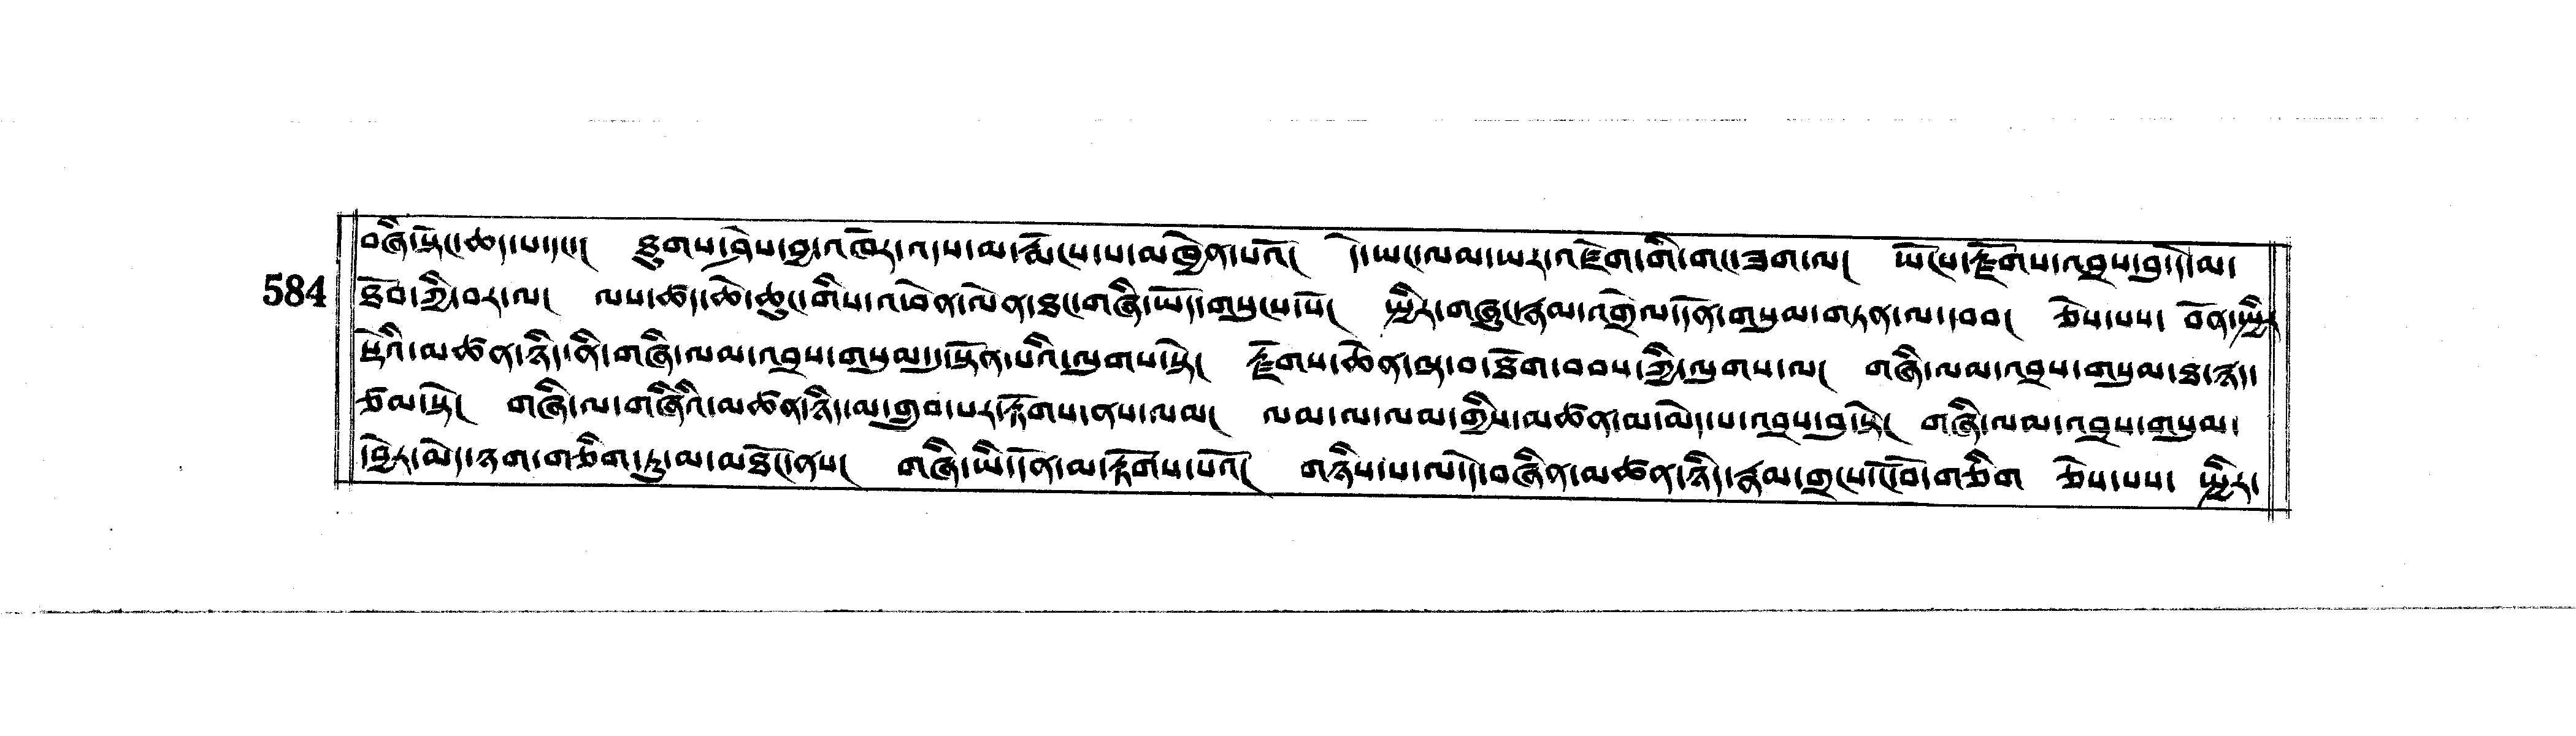བཞི་སྟོང་ཆད་པ་དང་། ཐུགས་ཤེས་བྱ་མ་རྨོངས་པ་མཁྱེན་པའོ། དེ་ཡང་ལམ་ཡར་འཛེགས་གི་གང་ཟག་ལ། ཡོངས་རྫོགས་འབྲས་བུ་དེ་མ་
ཐོབ་ཀྱི་བར་ལ། ལས་ཚད་ཆེ་ཆུང་གི་འཕེན་ལས་ཐང་བཞི་ཡོད་གསུངས་སོ། སྤྱིར་གཞུང་རྣམ་འགྲེལ་དོན་གསུམ་གཏན་ལ་དབབ། ཅེས་པས། བོན་སྤྱིར་
སྡེའི་མཚན་ཉིད་ནི། བཞི་ལམ་འབྲས་གསུམ་དུ་སྟོན་པའི་ལུགས་ཏེ། རྫོགས་ཆེན་ལྟ་བ་ཐོག་དབབ་ཀྱི་ལུགས་ལ། གཞི་ལམ་འབྲས་གསུམ་གྱི་ཐ་སྙད་
ཙམ་སྟེ། གཞི་ལ་གཞིའི་མཚན་ཉིད་མ་གྲུབ་པར་རྟོགས་ན་ལམ། ལམ་ལ་ལམ་གྱི་མཚན་མ་མེད་པ་འབྲས་བུ་སྟེ། གཞི་ལམ་འབྲས་གསུམ་
དབྱེར་མེད་ཉག་ཅིག་ཏུ་མ་མཐོང་ནས། གཞིའི་དོན་མ་རྟོགས་པའོ། གཉིས་པ་ལ་དེ་བཞིན་མཚན་ཉིད་རྣམ་གྲངས་ངོ་བོ་གཅིག ཅེས་པས། སྤྱིར་